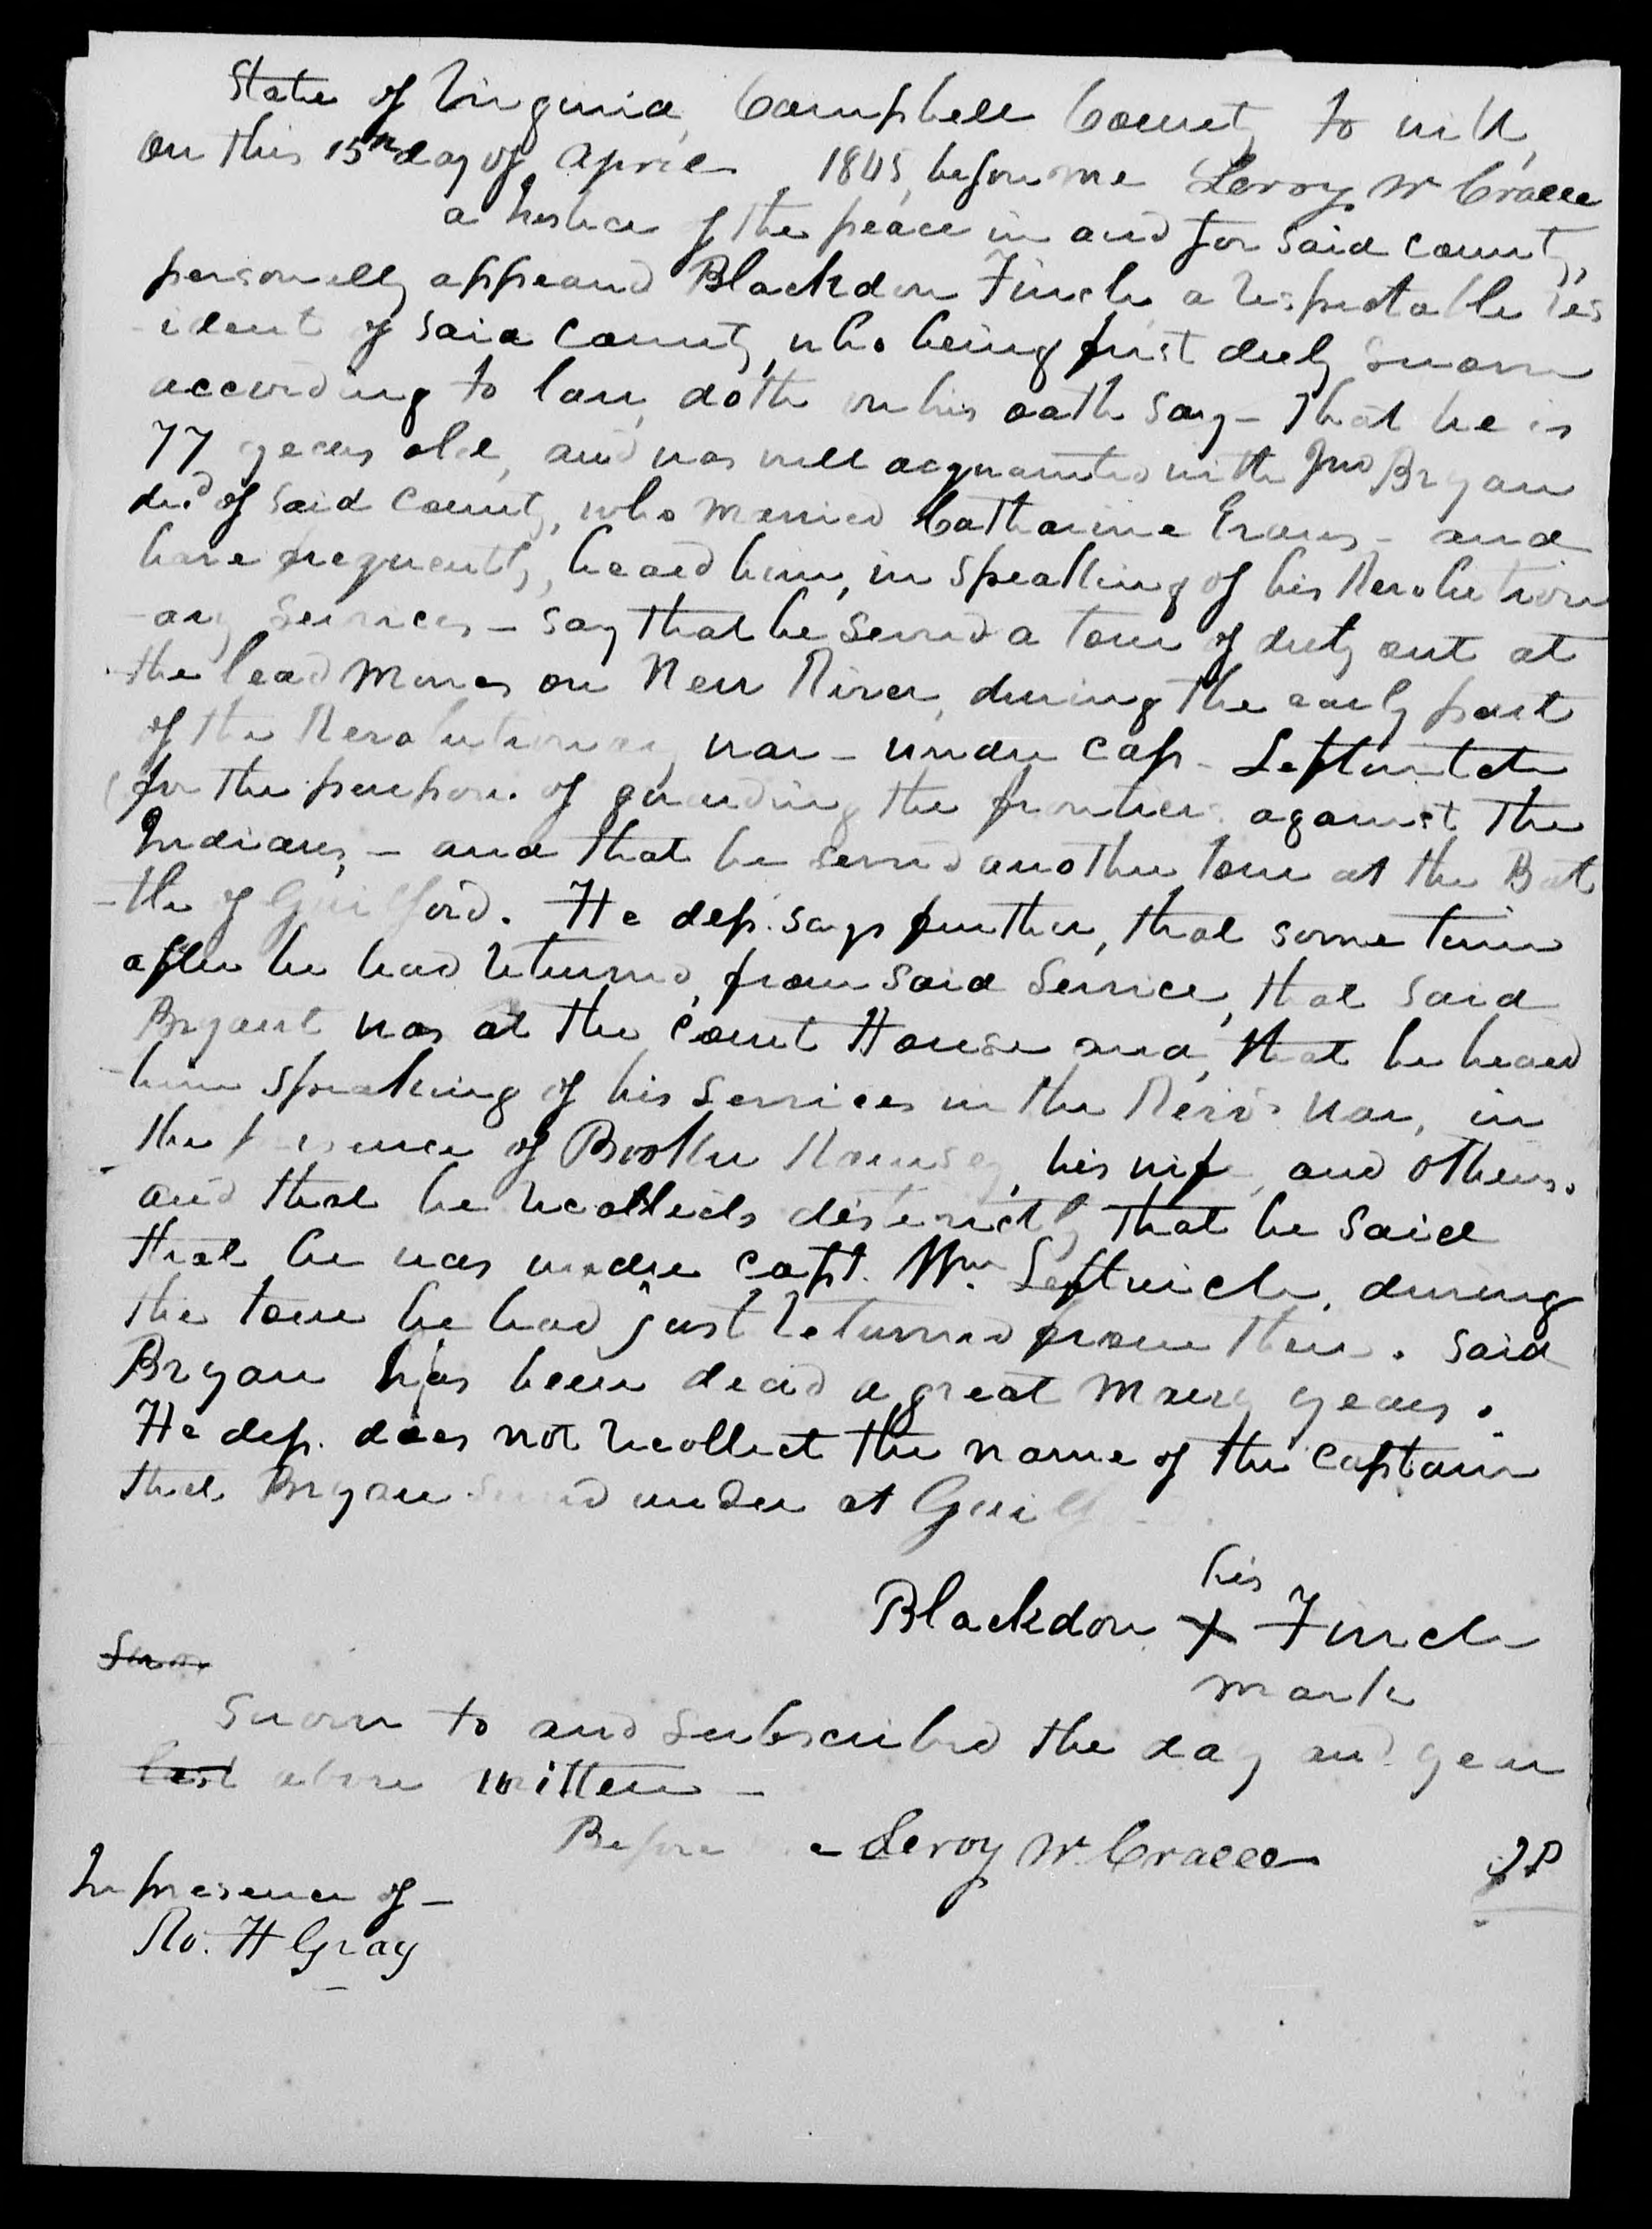State of Virgina, Campbell County to wit, 
on this 15th day of april 1845, before me Leroy W Cralle a Justice of the peace in and for said county, personally appeared Blackdon Finch a respectable a resident county of said county, who being first duly sworn according to law, doth on his oath say - that he is 77 years old, and was well acquainted with Jno Bryan decd of said county, who married Catharine Evans – and have frequently, heard him in speaking of his revolutionary services - say that he served a tour of duty out at the Lead Mines on new River, driving the only boat of the revolutionary was under Capt. Leftwitch, for the purpose of guarding the frontier against The Indians; - and that he served another tour at the Battle of Guilford. The dep says further, that sometime after he had returned. From said service, that said Bryant was at the court house and, that he heard him speaking of his services in the Revolutionary War, in the presence of Brother Names, his wife and others, and that he recollects distinctly that he said that he was under Capt. Wm Leftwich, during the time he had just returned from their [there]. Said Bryan had been dead a great many years. The dep. does not recollect the names of the captain that Bryan served under at Guilford.

his
[signed] Blackdon x Finch
mark

[crossed out] 
Sworn to and subscribed the day and year first above written – 

Before - Leroy W. Cralle JP
In presence of -
Ro. H. Gray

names: Ro H Gray, Leroy W Cralle, Jno Bryan, Leftwitch, Bryan, Wm Leftwich, Catharine Evans, Blackdon Finch, Leroy W Cralle, Bryant, Blackdon Finch, Bryan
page: 12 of 31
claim: widow's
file: W. 3759, John Bryan, Va.